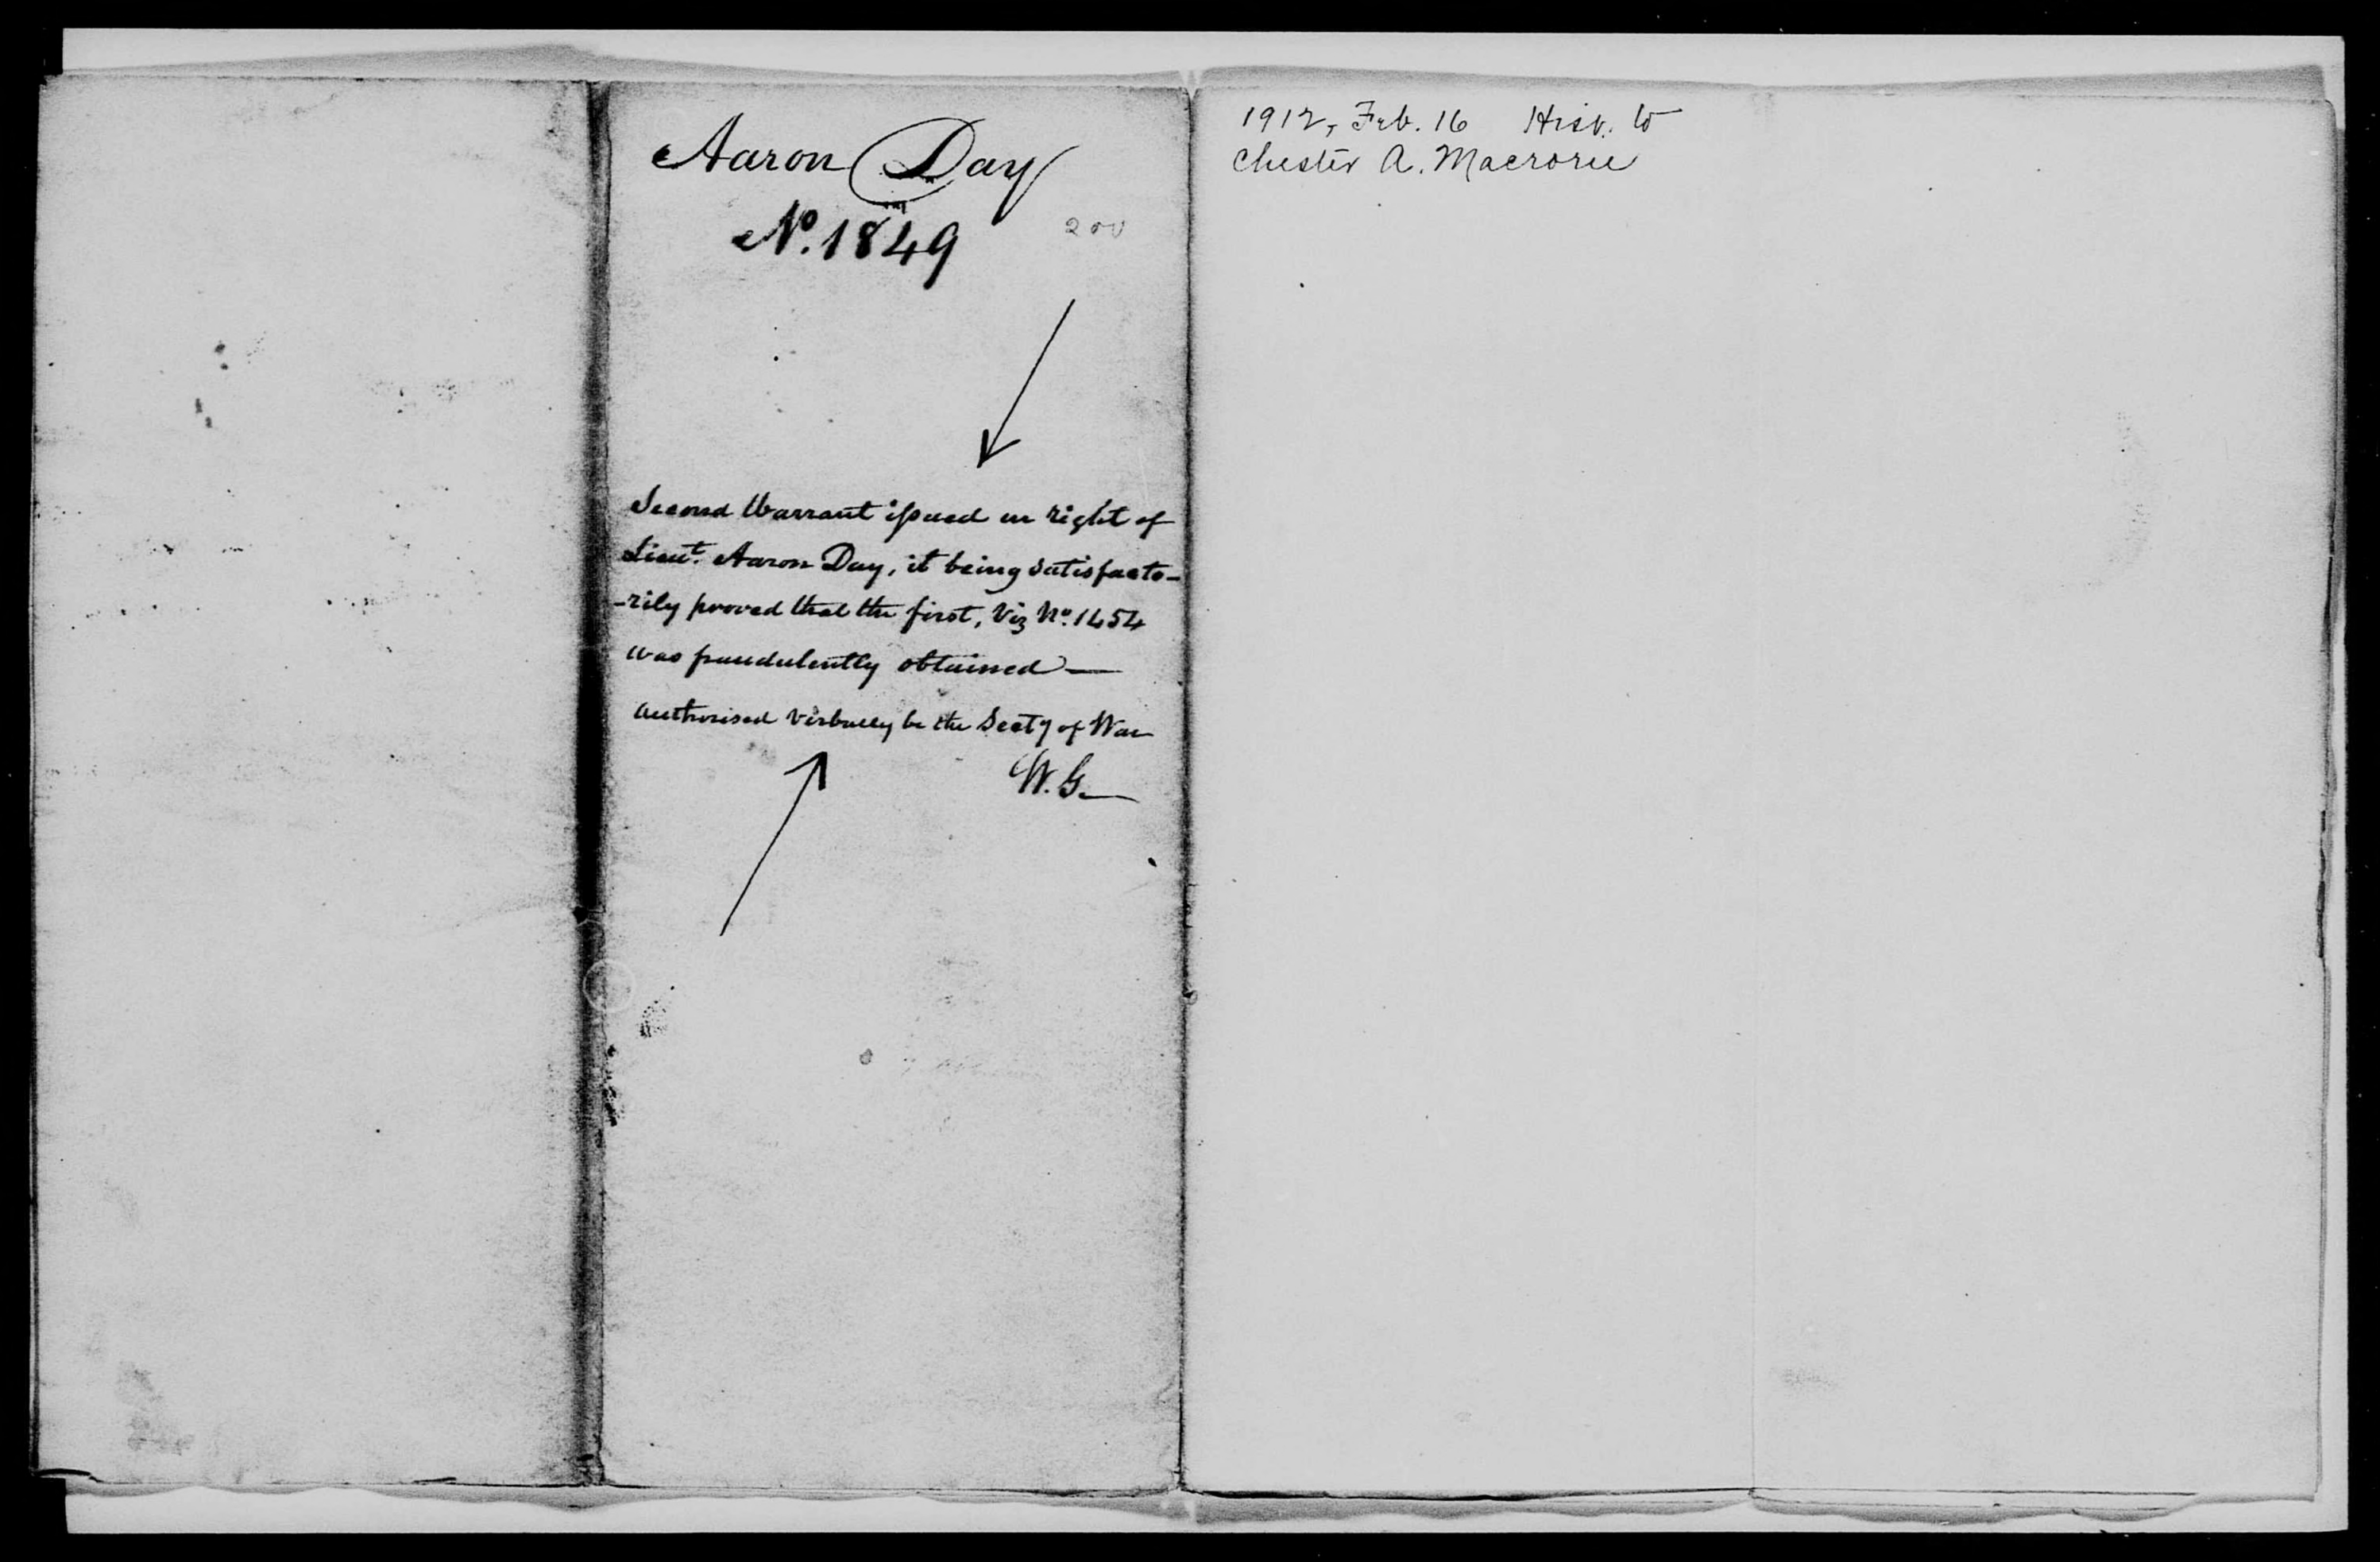[Panel 1]
Aaron Day
No. 1849
200

Second Warrant issued in Right of Lieut. Aaron Dat, it being satisfactorily proved that the first, viz No. 1654 was fraudulently obtained-
authorized verbally by the Secty of War
W.G.

[Panel 2]
1912, Feb. 16, Hist to Chester A. Macrorie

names: Chester A Macrorie, Aaron Day, Aaron Day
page: 3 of 15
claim: bounty land warrant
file: B. L. Wt. 1849-200, Aaron Day, New Jersey